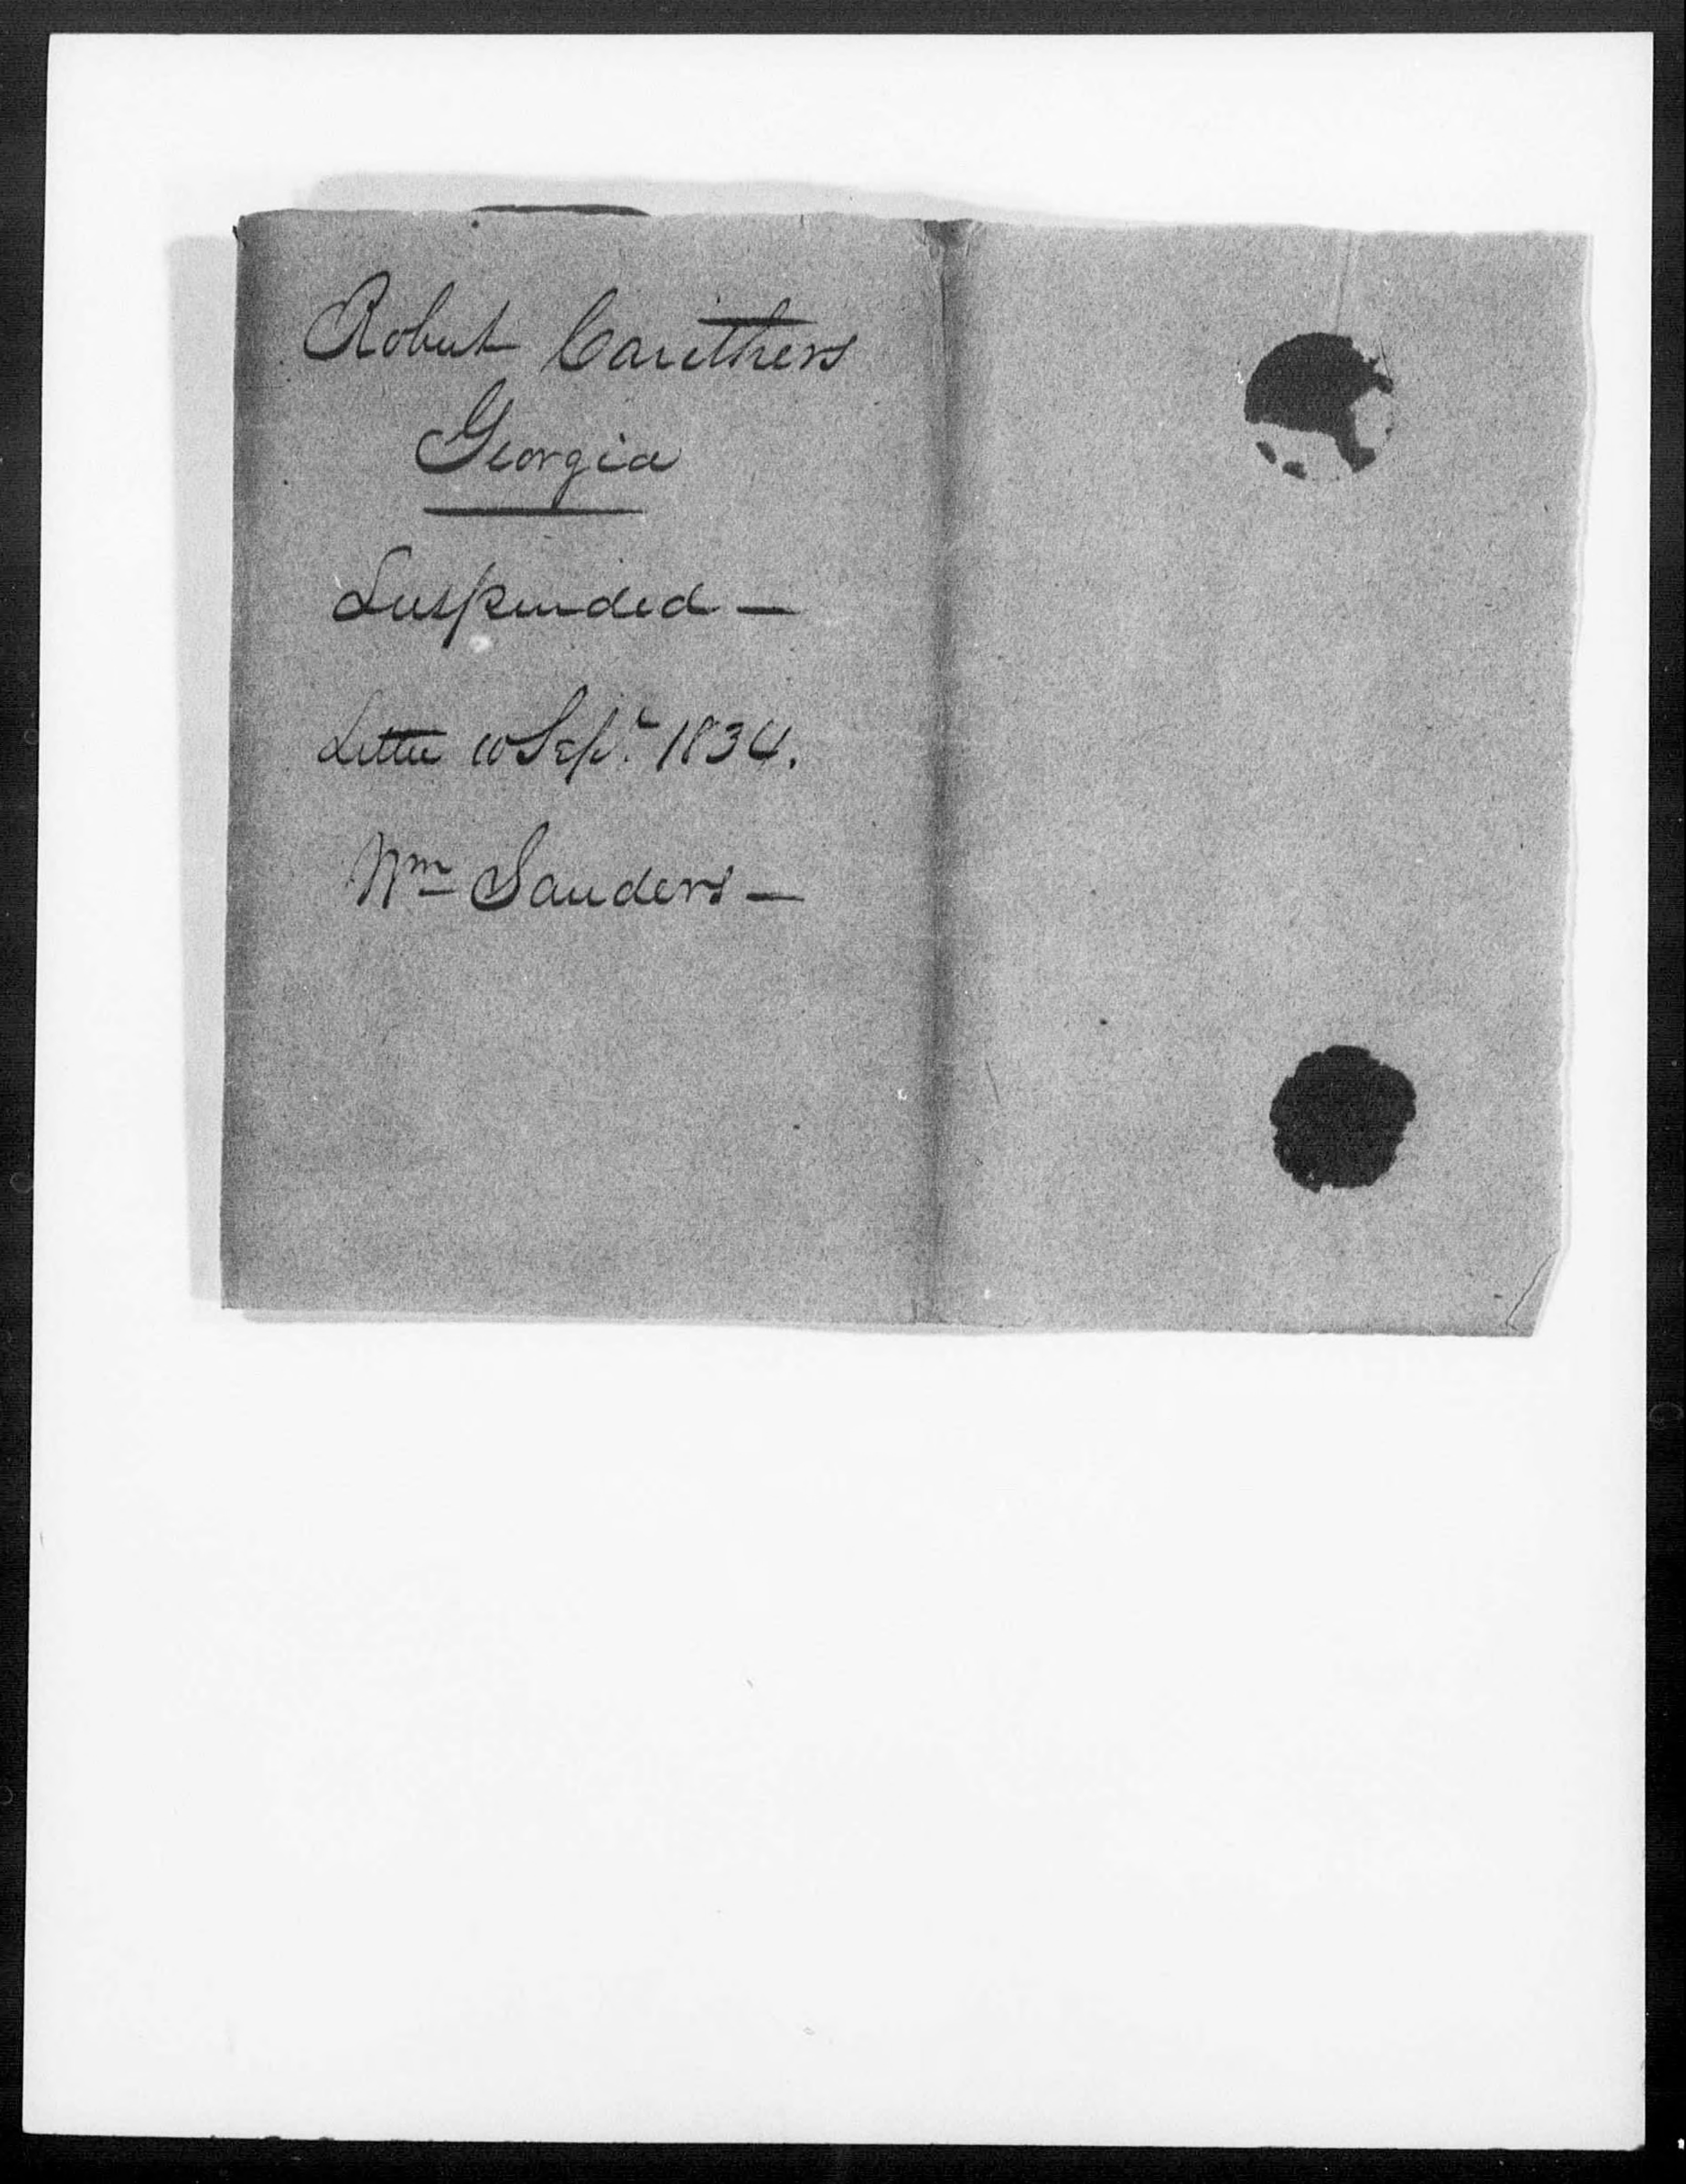Robert Carithers Georgia Suspended - Letter  Sept. 1834. Wm Sanders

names: Robert Carithers, Wm Sanders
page: 20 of 33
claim: widow's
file: W. 23779, Robert Carithers, S.C.